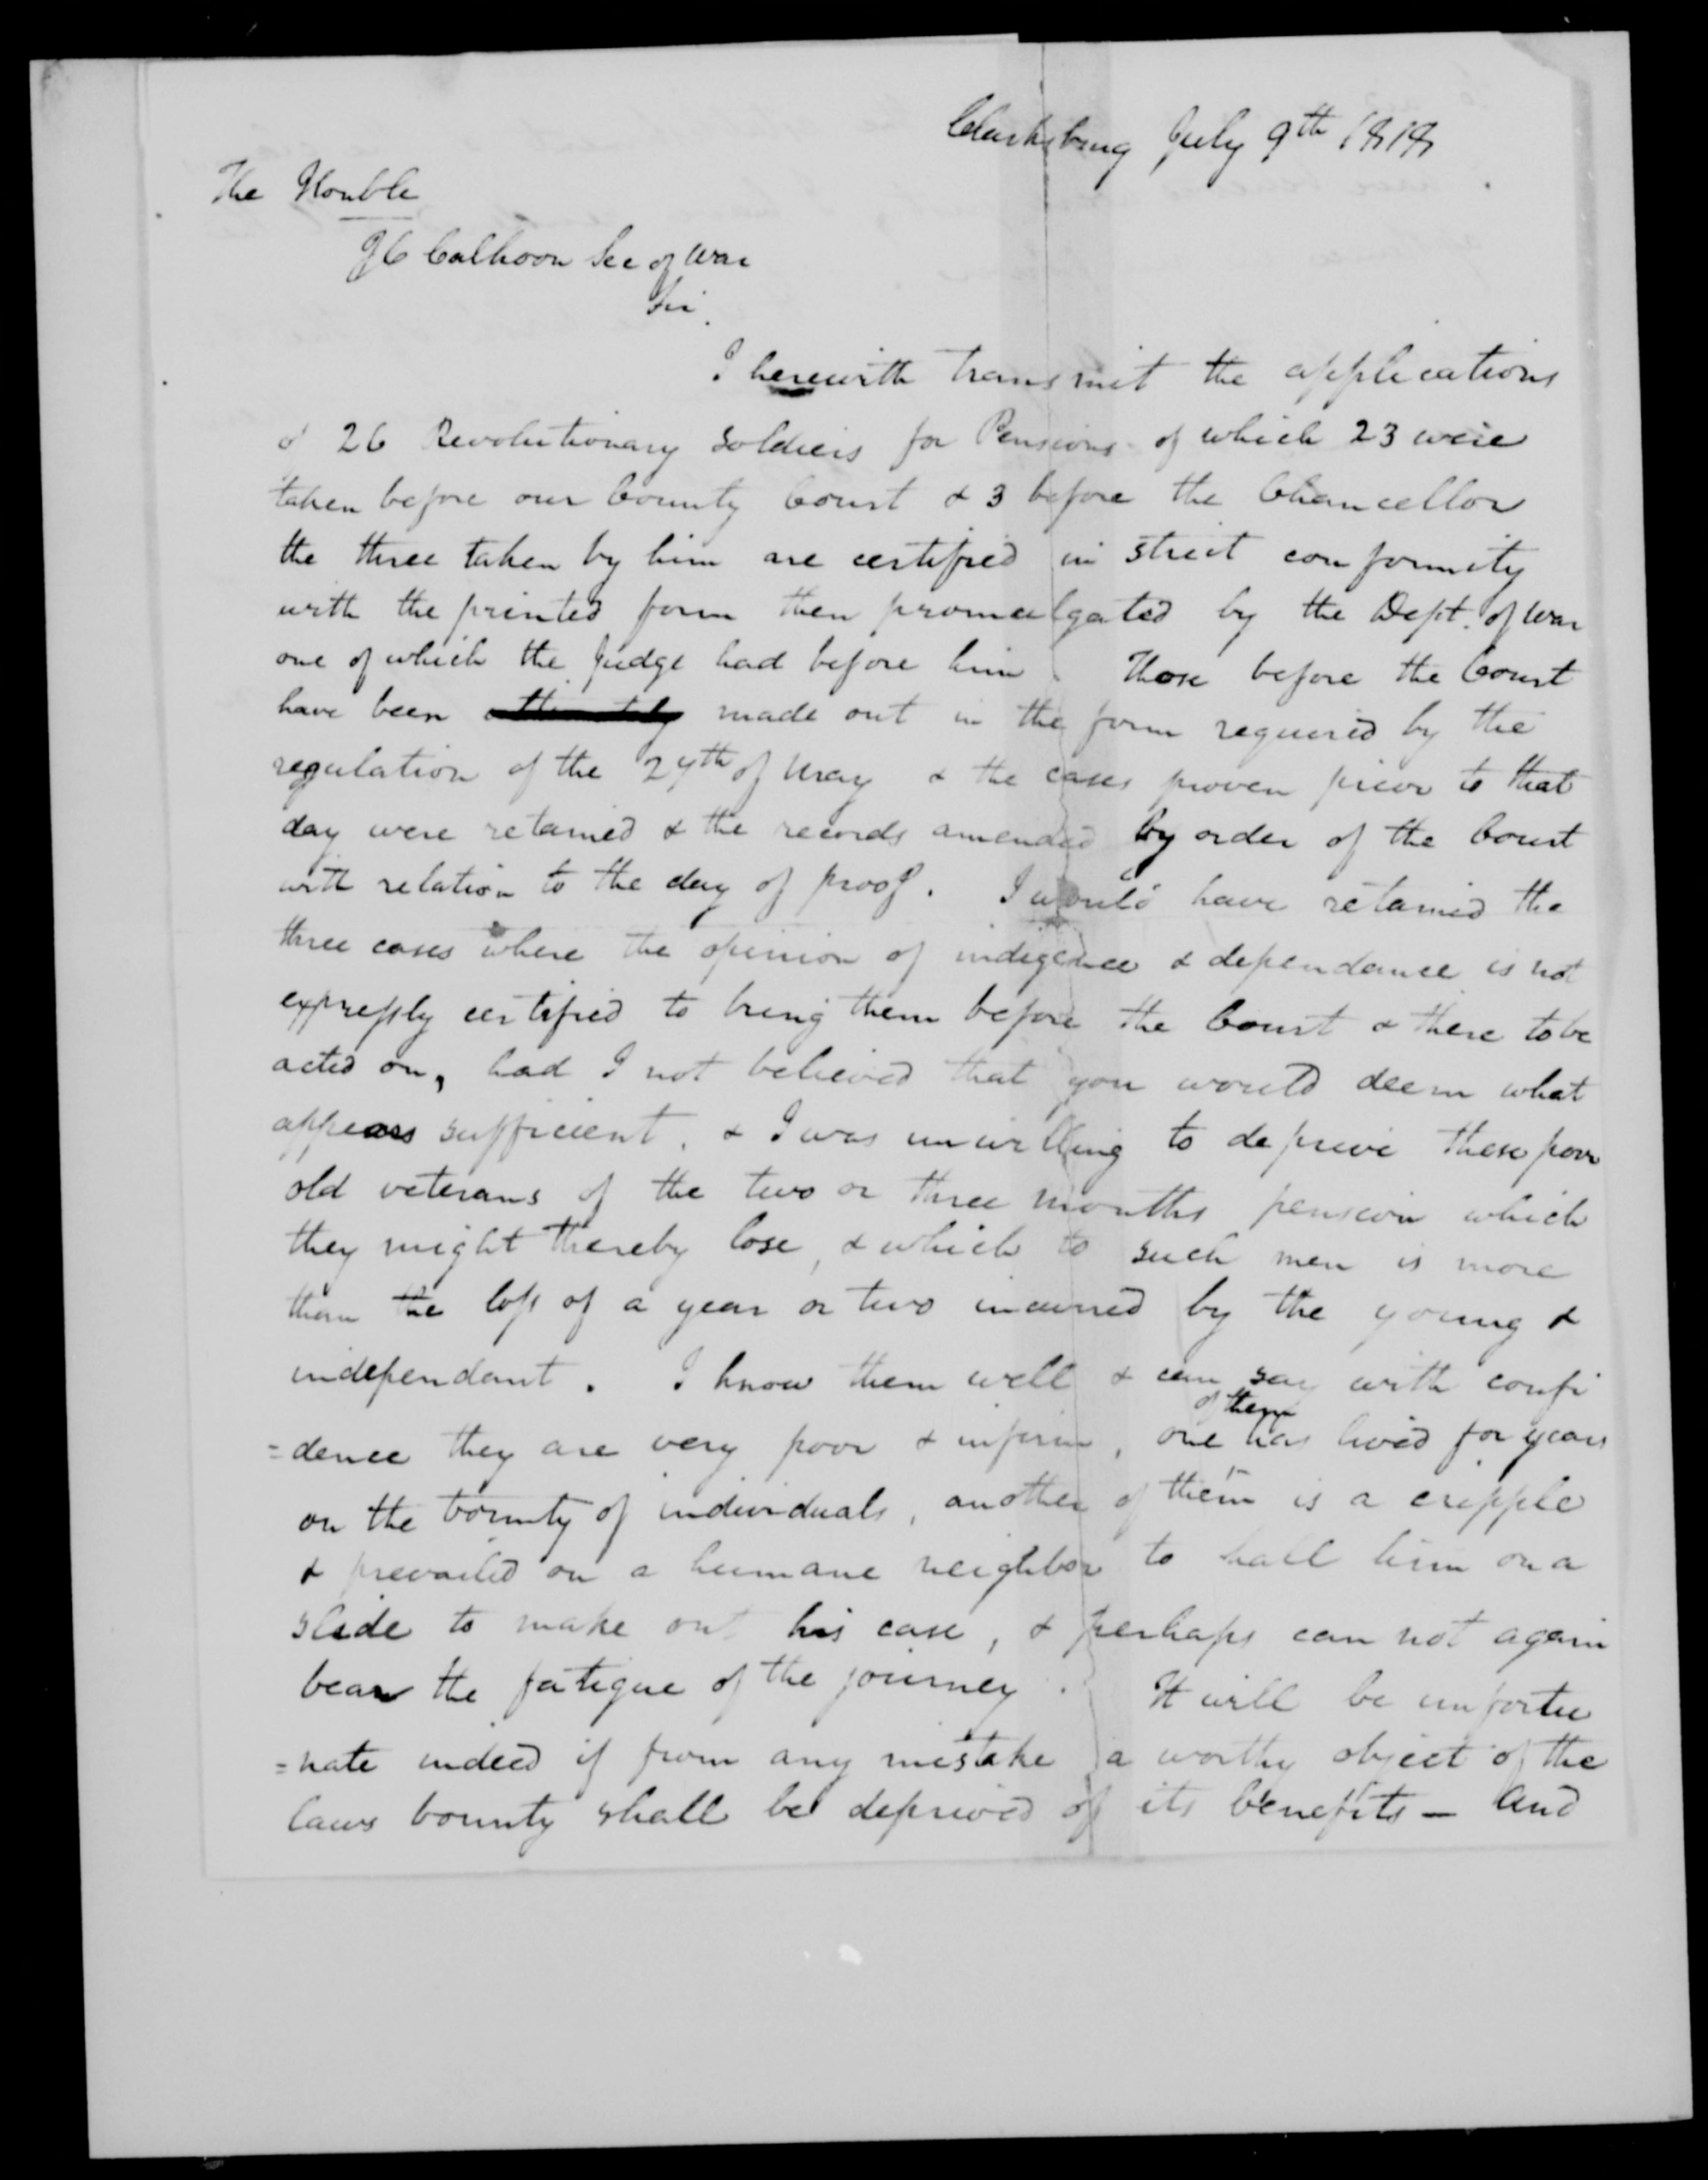Clarksburg July 9th 1818
The Honble
J C Calhoun Sec of War
Sir:
I herewith transmit the applications of 26 Revolutionary soldiers for Pensions of which 23 were taken before our County Court & 3 before the Chancellor the three taken by him are certified in strict conformity with the printed form then promalgated by the Dept. of War one of which the Judge has before him Those before the Court have been made out in the form required by the regulations of the 27th of May & the cases proven prior to that day were retained & the records amended by order of the Court with relation to the day of proof. I would have retained the three cases where the opinion of indigence & dependence is not expressly certified to bring them before the Court & there to be acted on, had I not believed that you would deem what appears sufficient, & I was unwilling to deprive these poor old veterans of the two or three months pension which they might thereby lose, & which to such men is more than the loss of a year or two incurred by the young & independent. I know them well & can say with confidence they are very poor & infirm, one of them has lived for years on the bounty of individuals, another of them is a cripple & prevailed on a humane neighbor to hall him on a slide to make out his case, & perhaps cannot again bear the fatigue of the journey. It will be unfortunate indeed if from any mistake a worthy object of the laws bounty shall be deprived of its benefits - And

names: J C Calhoon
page: 12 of 19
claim: survivor's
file: S. 38,409, for John Stackhouse, Virginia